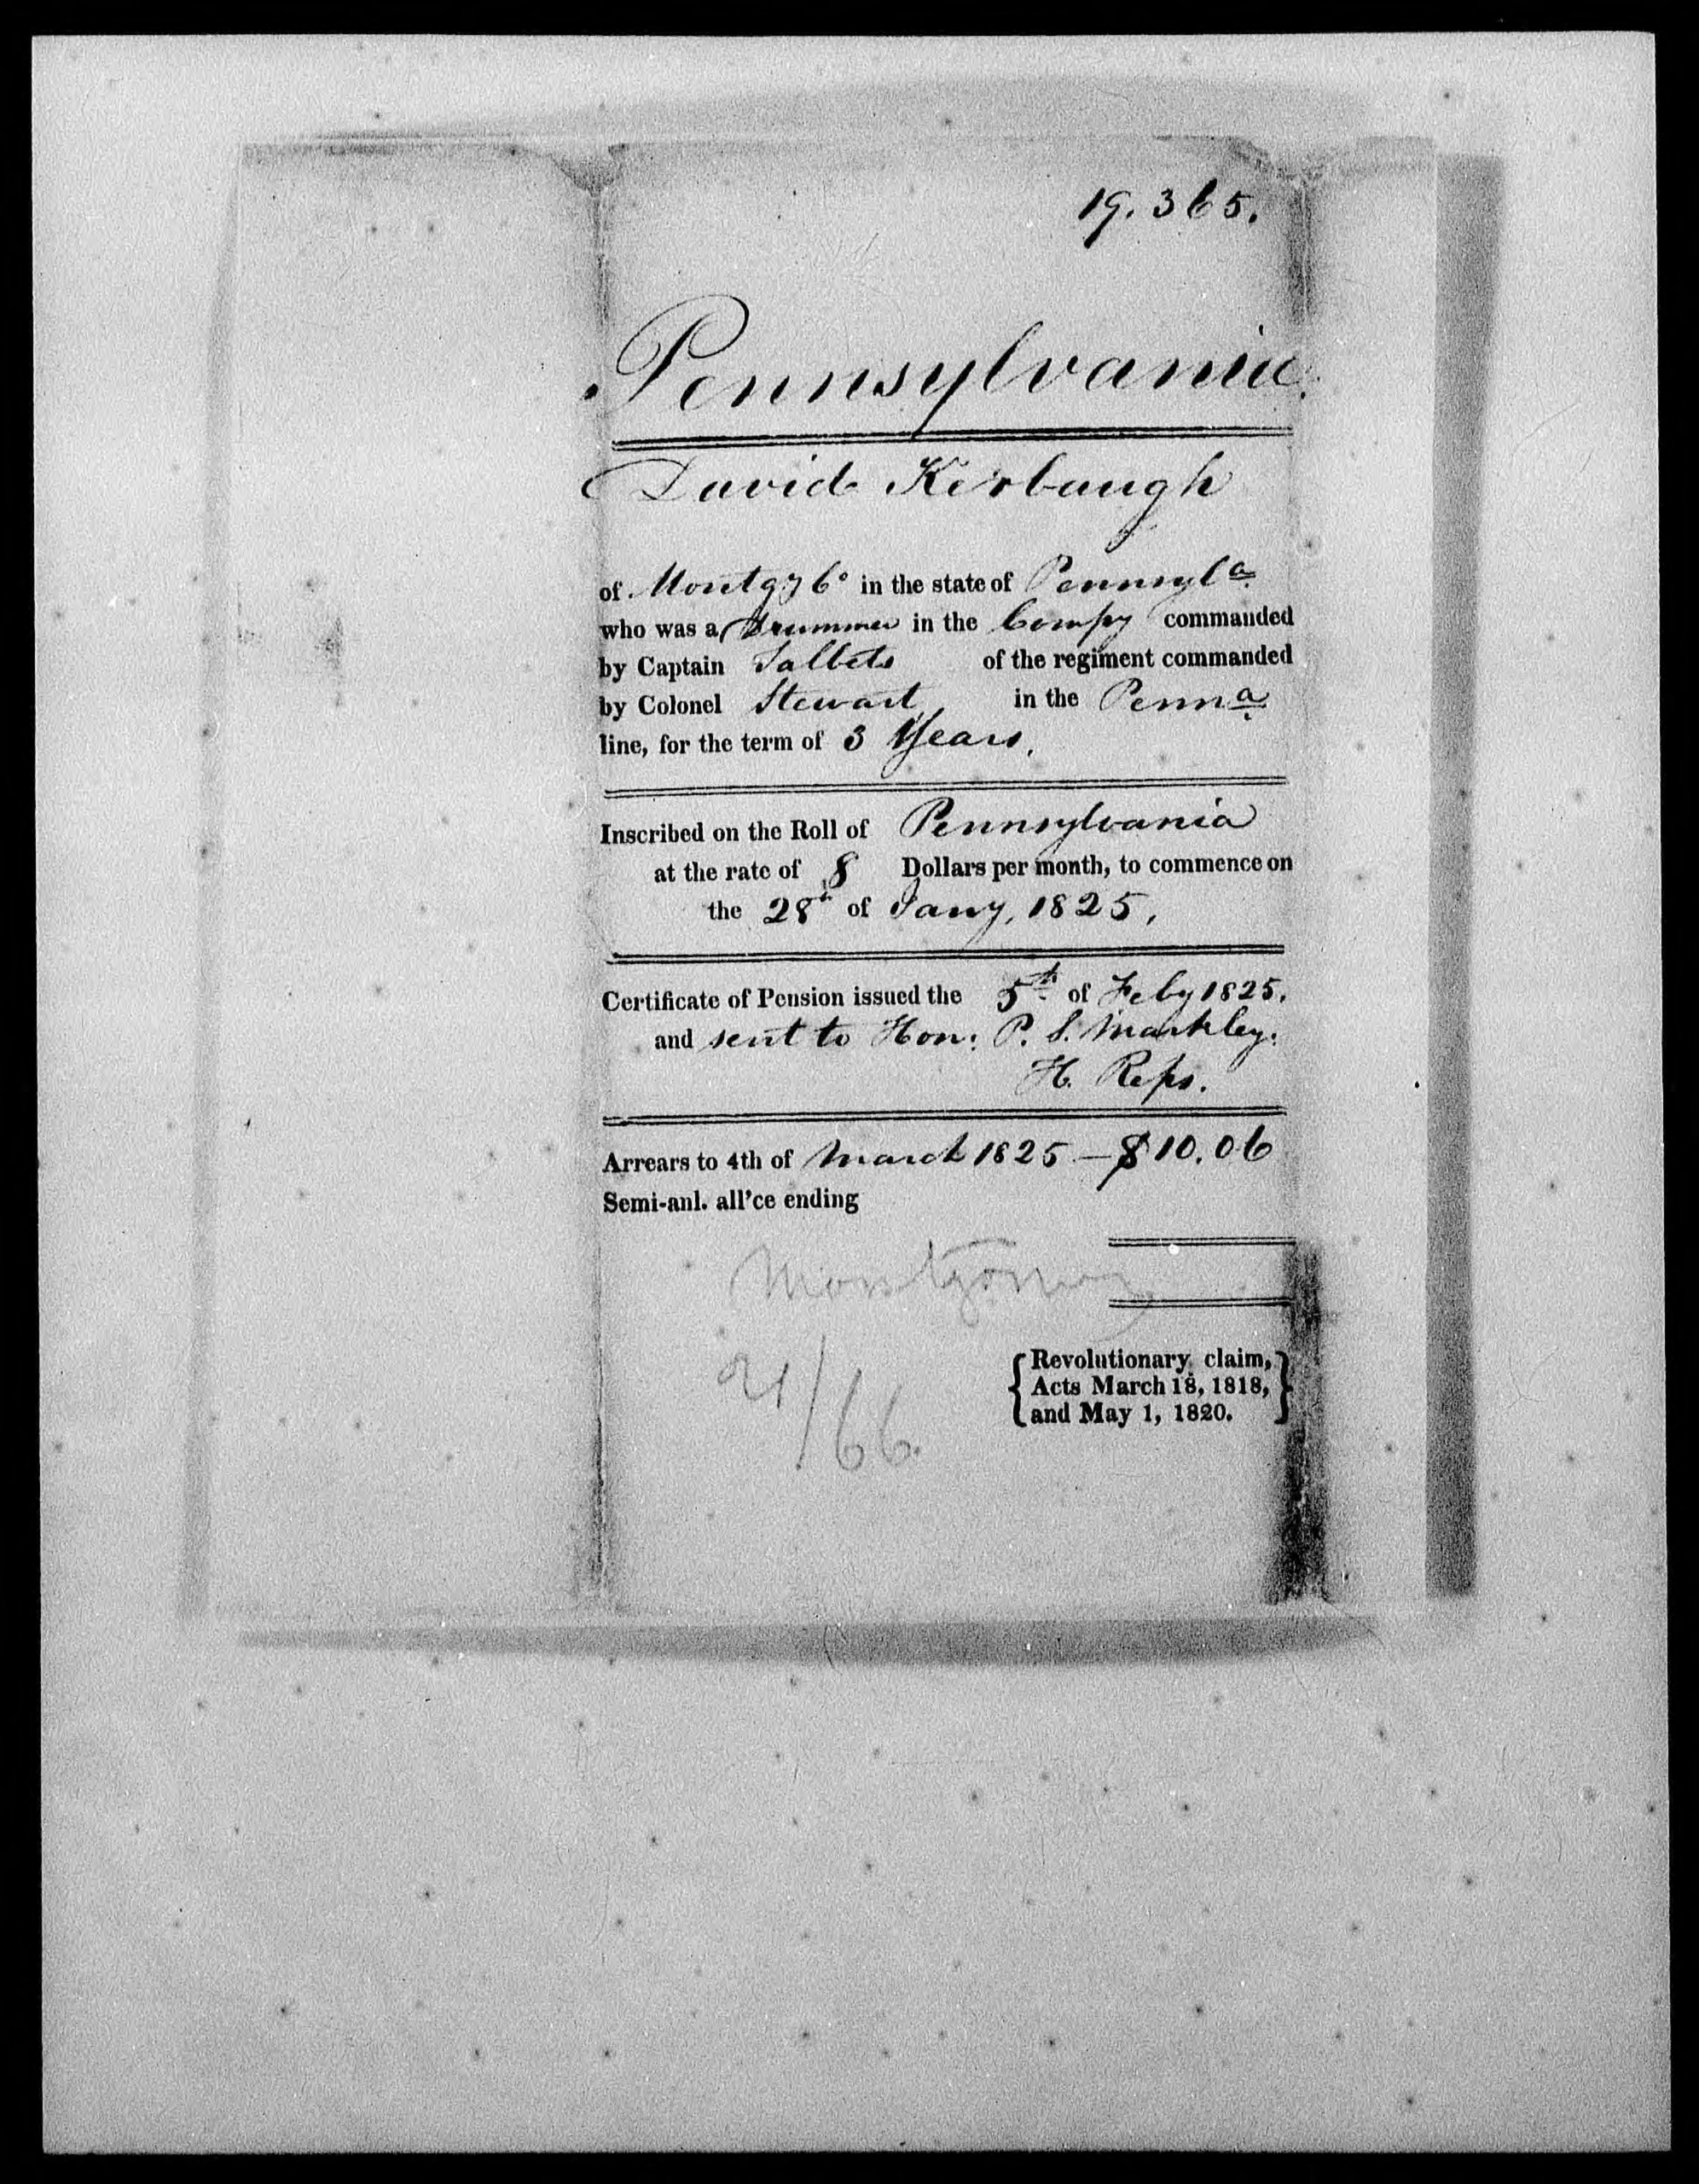19,365
Pennsylvania
=======================
David Kerbaugh

of Montgomery Co, in the state of Pennsylvania who was a drummer in the company commanded by Captain Talbets of the regiment commanded by Colonel Stewart in the Penna, Kine for the term of 3 years.
========================
Inscribed on the Roll of Pennsylvania at the rate of 8 dollars per month, to commence the 28th of Jany. 1825.
=========================
Certificate of Pension issued the 5th of Feby 1825 and sent to Hon. P.S. Markley.  Hs. Reprs.
=========================
Arrears to 4th of March 1825          $10.06
Montgomery\u/66


{Revolutionary claim,}
Acts March 18, 1818,}
{and May 1, 1820.}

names: [BLANK] Stewart; P S Markley; David Kerbaugh; [BLANK] Talbets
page: 2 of 13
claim: survivor's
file: S. 39,800, for David Kerbaugh, Pennsylvania